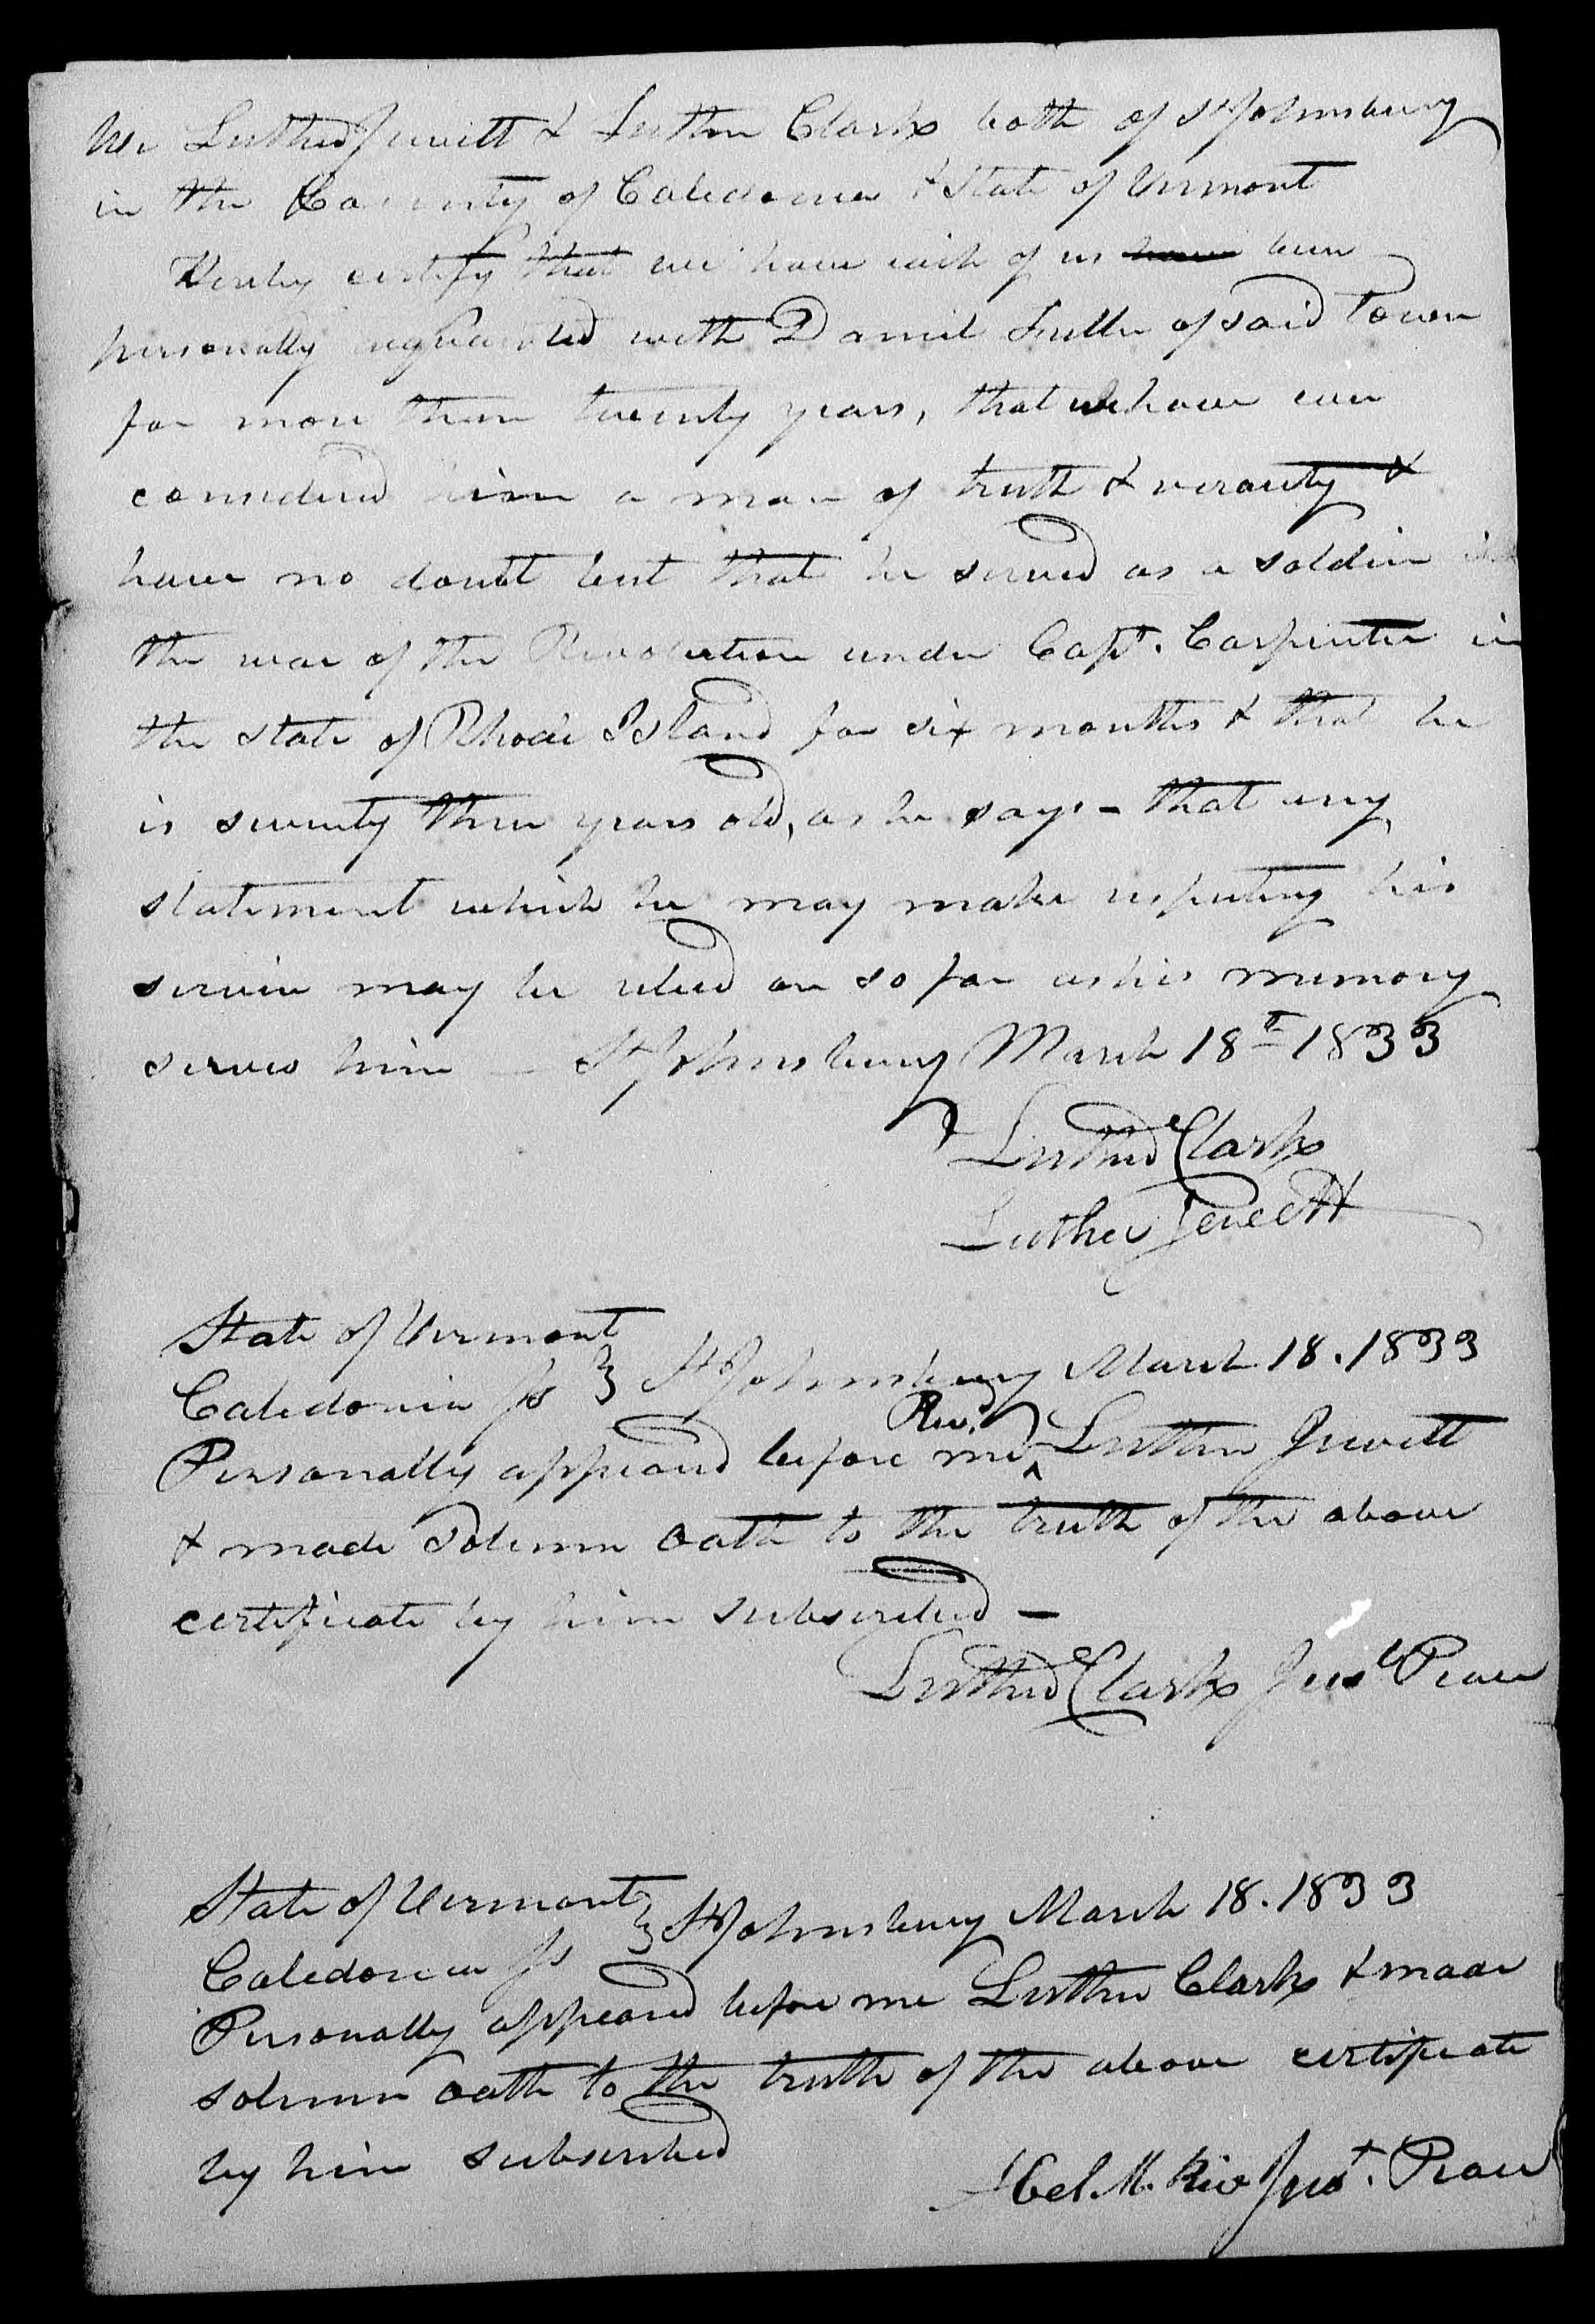We Luther Jewett & Luther Clark both of St Johnsbury in the County of Caledonia and State of Vermont Hereby certify that we have each of us been personally acquainted with Daniel Fuller of said town for more than twenty years, that we have ever considered him a man of truth & veracity & have no doubt that he served as a soldier in the war of the Revolution under Capt. Carpenter in the state of Rhode Island for six months & that he is seventy three years old, as he says, that any statement which he may make respecting his service may be relied on so far as his memory serves him 
St Johnsbury March 18th 1833
Luther Clark
Luther Jewett

State of Vermont
Caledonia Co } St Johnsbury March 18, 1833
Personally appeared before Rev Luther Jewett & made solemn oath to the truth of the above certificate by him subscribed
Luther Clark Jus Peace

State of Vermont
Caledonia Co } St Johnsbury March 18, 1833
Personally appeared before Luther Clark & made solemn oath to the truth of the above certificate by him subscribed
Abel M. Rice Just. Peace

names: Carpenter, Luther Clark, Daniel Fuller, Luther Clark, Luther Clark, Abel M Rice, Luther Jewett, Luther Jewett, Luther Jewett, Luther Clark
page: 28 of 29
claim: survivor's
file: S. 18830, Daniel Fuller, Mass.